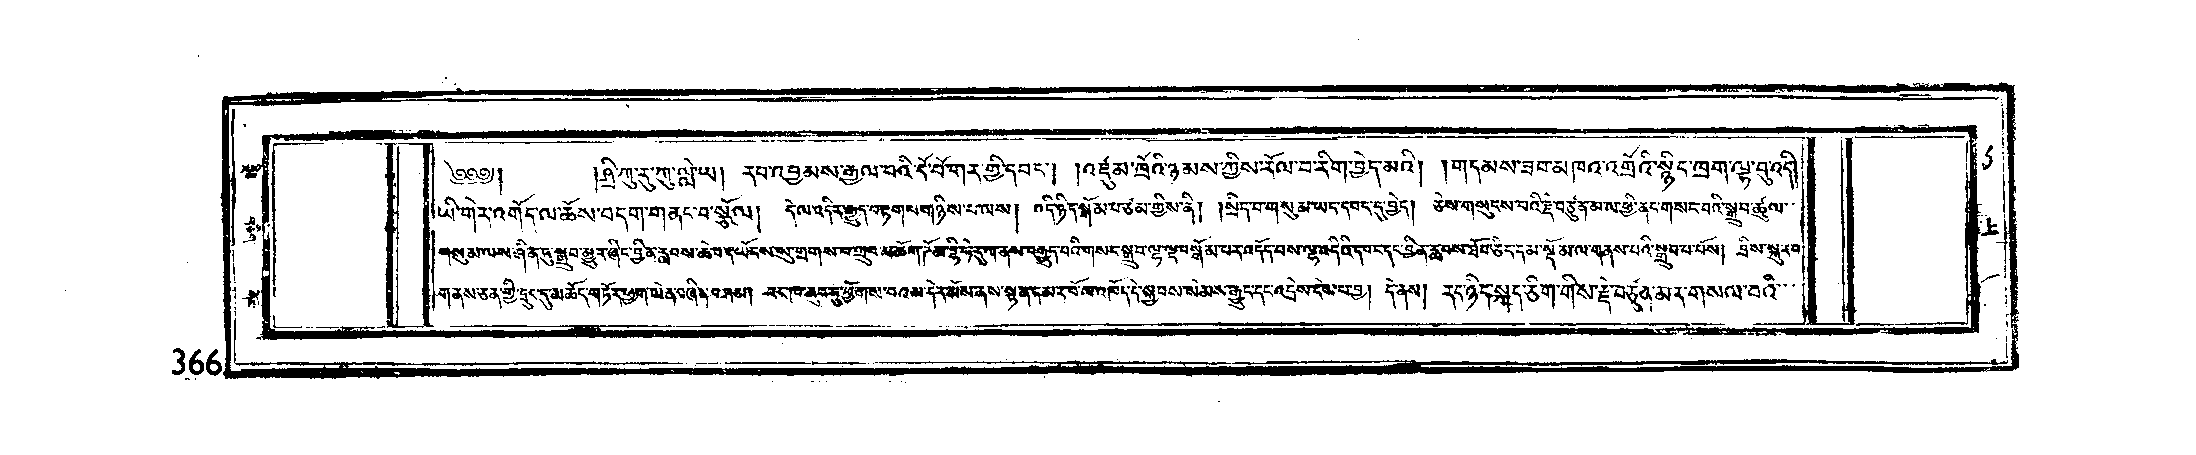༄༅༅། །ཤྲི་ཀུ་རུ་ཀུ་ལླེ་ཡ། རབ་འབྱམས་རྒྱལ་བའི་ངོ་བོ་གར་གྱི་དབང་། །འཛུམ་ཁྲོའི་ཉམས་ཀྱིས་རོལ་བ་རིག་བྱེད་མའི། །གདམས་ཟབ་མཁའ་འགྲོའི་སྙིང་ཁྲག་ལྟ་བུ་འདི།
ཡི་གེར་འགོད་ལ་ཆོས་བདག་གནང་བ་སྩོལ། དེ་ལ་འདིར་རྒྱུད་བརྟགས་གཉིས་པ་ལས། འདི་ཉིད་སྒོམ་པ་ཙམ་གྱིས་ནི། །སྲིད་པ་གསུམ་ཡང་དབང་དུ་བྱེད། ཅེས་གསུངས་པའི་རྗེ་བཙུན་མ་ལ་ཕྱི་ནང་གསང་བའི་སྒྲུབ་ཚུལ་
གསུམ་ལསམ་ཤིན་ཏུ་སྒྲུབ་མྱུར་ཞིང་བྱིན་རླབས་ཆེ་བ་ད་ཡོང་སུ་གྲགས་པ་གྲུབ་མཆོག་ཌོ་མ་བྷི་ཧེ་རུ་ཀ་ནས་བརྒྱུད་པའི་གསང་སྒྲུབ་ལྷ་ལྔ་བསྒོམ་པར་འདོད་པས་ལྷ་འདིའི་དབང་དང་བྱིན་རླབས་ཐོབ་ཅིང་དམ་སྡོམ་ལ་གནས་པའི་སྒྲུབ་པ་པོས། བྲིས་སྐུ་རབ་
གནས་ཅན་གྱི་དྲུང་དུ་མཆོད་གཏོར་ཕྱག་ལེན་བཞིན་བཤམ། རང་ཁ་ནུབ་ཏུ་ཕྱོགས་བའམ་དེར་མོས་ནས་སྟན་དམར་པོ་ལ་འཁོད་དེ་སྐྱབས་སེམས་རྒྱུད་དང་འདྲེས་ངེས་པ་བྱ། དེ་ནས། རང་ཉིད་སྐད་ཅིག་གིས་རྗེ་བཙུན་མར་གསལ་བའི་